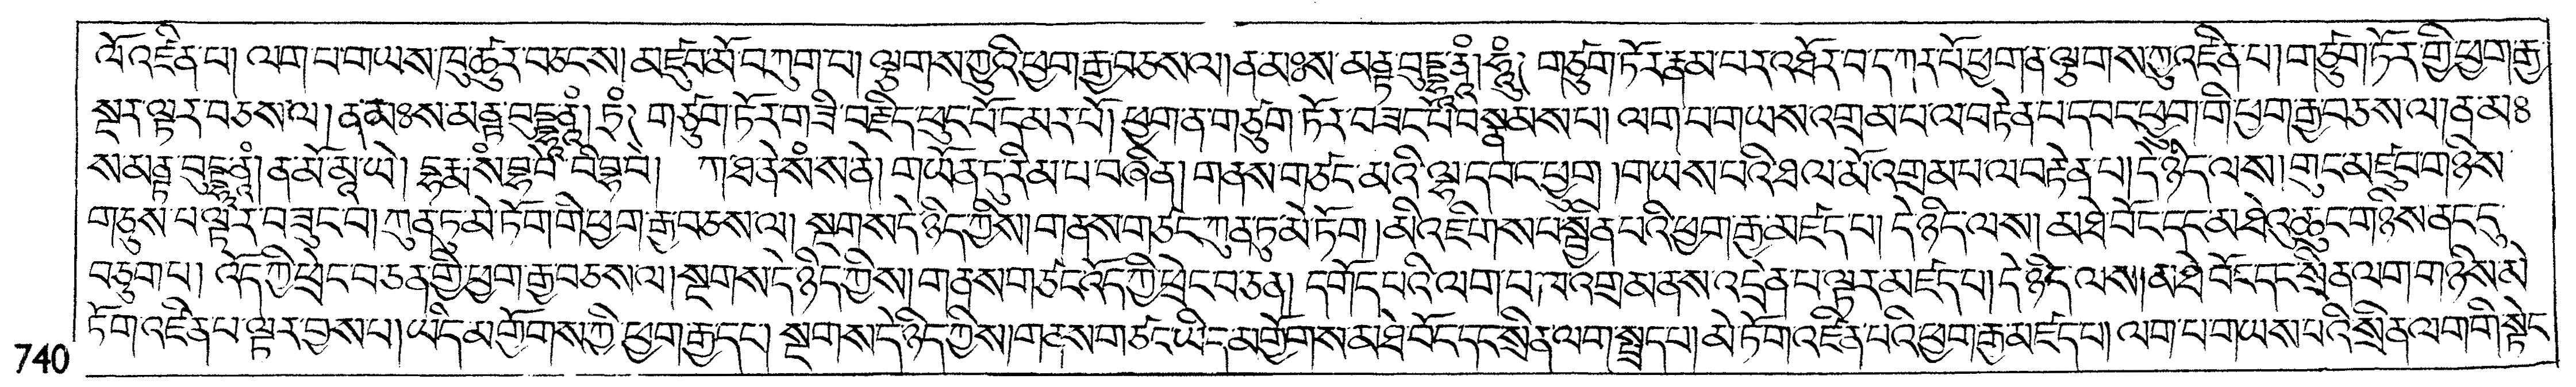ལོ་འཛིན་པ། ལག་པ་གཡས་ཁུ་ཚུར་བཅངས། མཛུབ་མོ་བཀུག་པ། ལྕགས་ཀྱུའི་ཕྱག་རྒྱ་བཅས་ལ། ན་མཿ ས་མནྟ་བུདྡྷཱ་ནཱཾ། ཧཱུཾ། གཙུག་ཏོར་རྣམ་པར་འཐོར་བ་དཀར་པོ་ཕྱག་ན་ལྕགས་ཀྱུ་འཛིན་པ། གཙུག་ཏོར་གྱི་ཕྱག་རྒྱ་
སྔར་ལྟར་བཅས་ལ། ན་མཿ ས་མནྟ་བུདྡྷཱ་ནཱཾ། ཏྲཾ། གཙུག་ཏོར་གཟི་བརྗིད་ཕུང་པོ་དམར་པོ། ཕྱག་ན་གཙུག་ཏོར་བཟང་པོ་བསྣམས་པ། ལག་པ་གཡས་འགྲམ་པ་ལ་བརྟེན་པ་དབང་ཕྱུག་གི་ཕྱག་རྒྱ་བཅས་ལ། ན་མཿ
ས་མནྟ་བུདྡྷཱ་ནཱཾ། ན་མོ་མཱ་ཡེ། དྷརྨ་སཾ་བྷ་བེ་བི་བྷ་བེ། ཀ་ཐ་ནེ་སཾ་ས་ནེ། གཡོན་དུ་རིམ་པ་བཞིན། གནས་གཙང་མའི་ལྷ་དབང་ཕྱུག །གཡས་པའི་ཐལ་མོ་འགྲམ་པ་ལ་བརྟེན་པ། དེ་ཉིད་ལས། གུང་མཛུབ་གཉིས་
གཅུས་པ་ལྟར་བཟུང་བ། ཀུན་ཏུ་མེ་ཏོག་གི་ཕྱག་རྒྱ་བཅས་ལ། སྔགས་དེ་ཉིད་ཀྱིས། གནས་གཙང་ཀུན་ཏུ་མེ་ཏོག །མི་འཇིགས་པ་སྦྱིན་པའི་ཕྱག་རྒྱ་མཛད་པ། དེ་ཉིད་ལས། མཐེ་བོང་དང་མཐེའུ་ཆུང་གཉིས་ནང་དུ་
བཅུག་པ། འོད་ཀྱི་ཕྲེང་བ་ཅན་གྱི་ཕྱག་རྒྱ་བཅས་ལ། སྔགས་དེ་ཉིད་ཀྱིས། གནས་གཙང་འོད་ཀྱི་ཕྲེང་བ་ཅན། དགོད་པའི་ལག་པ་ཁ་འགྲམ་ནས་འདྲེན་པ་ལྟར་མཛད་པ། དེ་ཉིད་ལས། མཐེ་བོང་དང་སྲིན་ལག་གཉིས་མེ་
ཏོག་འཛིན་པ་ལྟར་བྱས་པ། ཡིད་མགྱོགས་ཀྱི་ཕྱག་རྒྱ་དང་། སྔགས་དེ་ཉིད་ཀྱིས། གནས་གཙང་ཡིད་མགྱོགས་མཐེ་བོང་དང་སྲིན་ལག་སྤྲད་པ། མེ་ཏོག་འཛིན་པའི་ཕྱག་རྒྱ་མཛད་པ། ལག་པ་གཡས་པའི་སྲིན་ལག་གི་སྟེང་